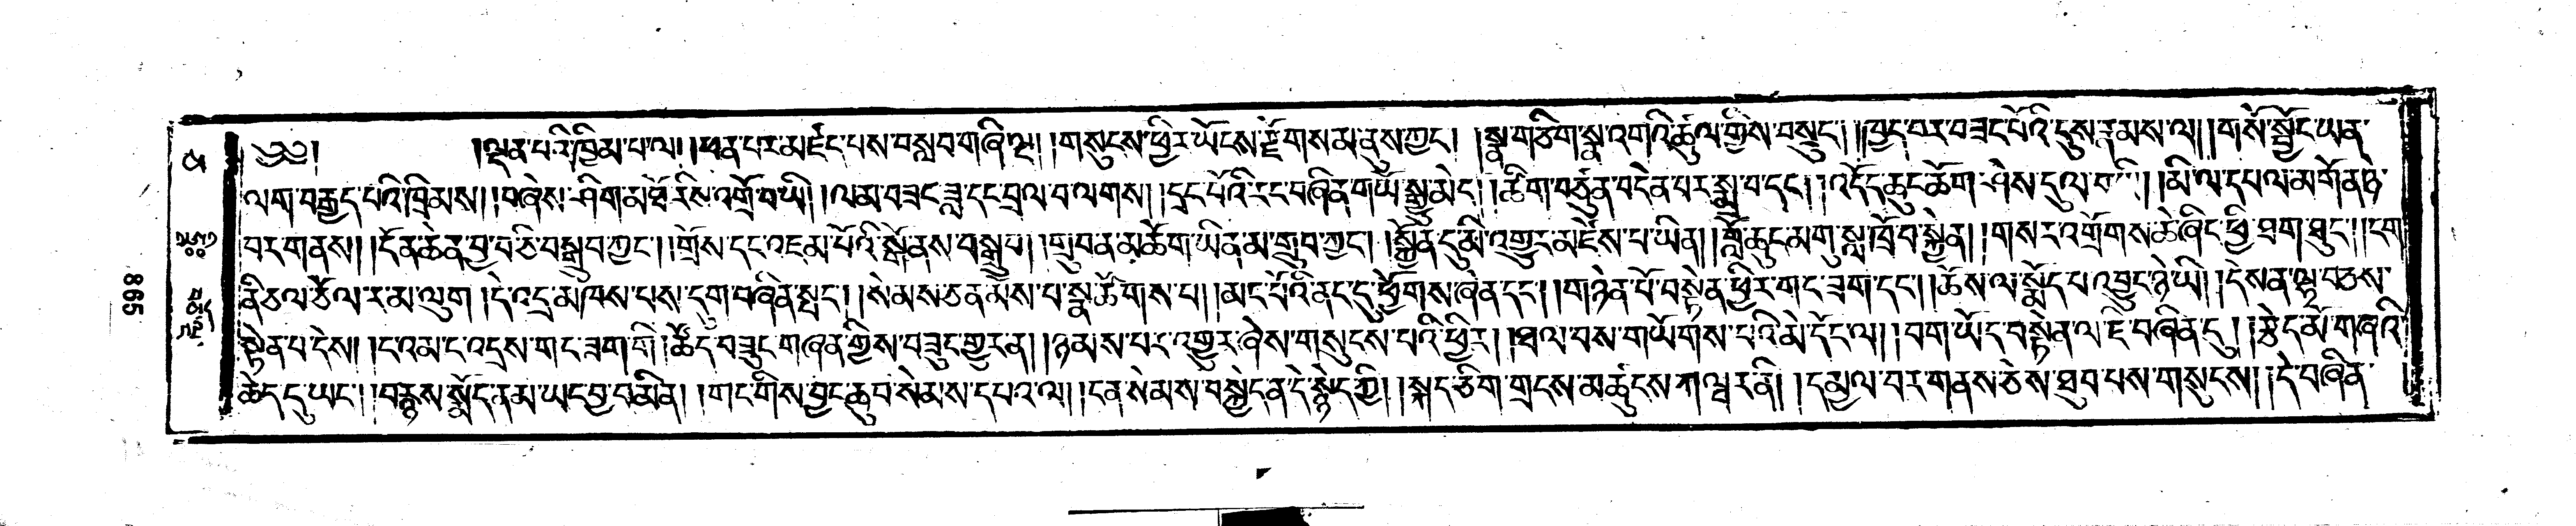༄༅། །ལྡན་པའི་ཁྱིམ་པ་ལ། །ཕན་པར་མཛད་པས་བསླབ་གཞི་ལྔ། །གསུངས་ཕྱིར་ཡོངས་རྫོགས་མ་ནུས་ཀྱང་། །སྣ་གཅིག་སྣ་འགའི་ཚུལ་གྱིས་བསྲུང་། །ཁྱད་པར་བཟང་པོའི་དུས་རྣམས་ལ། །གསོ་སྦྱོང་ཡན་
ལག་བརྒྱད་པའི་ཁྲིམས། །བཞེས་ཤིག་མཐོ་རིས་འགྲོ་བ་ཡི། །ལམ་བཟང་ཟླ་དང་བྲལ་བ་ལགས། །དྲང་པོའི་རང་བཞིན་གཡོ་སྒྱུ་མེད། །ཚིག་བཙུན་བདེན་པར་སྨྲ་བ་དང་། །འདོད་ཆུང་ཆོག་ཤེས་དུལ་བ་ཡི། །མི་ལ་དཔལ་མགོན་ཉེ་
བར་གནས། །དོན་ཆེན་བྱ་བ་ཅི་བསྒྲུབ་ཀྱང་། །གྲོས་དང་འཇམ་པོའི་སྒོ་ནས་བསྒྲུབ། །གྲུབ་ན་མཆོག་ཡིན་མ་གྲུབ་ཀྱང་། །སྐྱོན་དུ་མི་འགྱུར་མཛེས་པ་ཡིན། །བློ་ཆུང་མགུ་སླ་ཁྲོ་བ་སྐྱེན། །གསར་འགྲོགས་ཆེ་ཞིང་ཕྱི་ཐག་ཐུང་། །ངག་
ནི་ཅལ་ཅོལ་ར་མ་ལུག །དེ་འདྲ་མཁས་པས་དུག་བཞིན་སྤང་། །སེམས་ཅན་མོས་པ་སྣ་ཚོགས་པ། །མང་པོའི་ནང་དུ་ཕྱོགས་ཞེན་དང་། །གཉེན་པོ་བསྟེན་ཕྱིར་གང་ཟག་དང་། །ཆོས་ལ་སྨོད་པ་འབྱུང་ཉེ་ཡི། །དེས་ན་ལྷ་བཅས་
སྟོན་པ་དེས། །ངའམ་འདྲས་གང་ཟག་གི །ཚོད་བཟུང་གཞན་གྱིས་བཟུང་གྱུར་ན། །ཉམས་པར་འགྱུར་ཞེས་གསུངས་པའི་ཕྱིར། །ཐལ་བས་གཡོགས་པའི་མེ་དོང་ལ། །བག་ཡོད་བསྟེན་ལ་ཇི་བཞིན་དུ། །རྩེད་མོ་ག་ཞའི་
ཆེད་དུ་ཡང་། །བརྙས་སྨོད་ནམ་ཡང་བྱ་བ་མིན། །གང་གིས་བྱང་ཆུབ་སེམས་དཔའ་ལ། །ངན་སེམས་བསྐྱེད་ན་དེ་སྙེད་ཀྱི། །སྐད་ཅིག་གྲངས་མཚུངས་ཀལར་ནི། །དམྱལ་བར་གནས་ཅེས་ཐུབ་པས་གསུངས། །དེ་བཞིན་